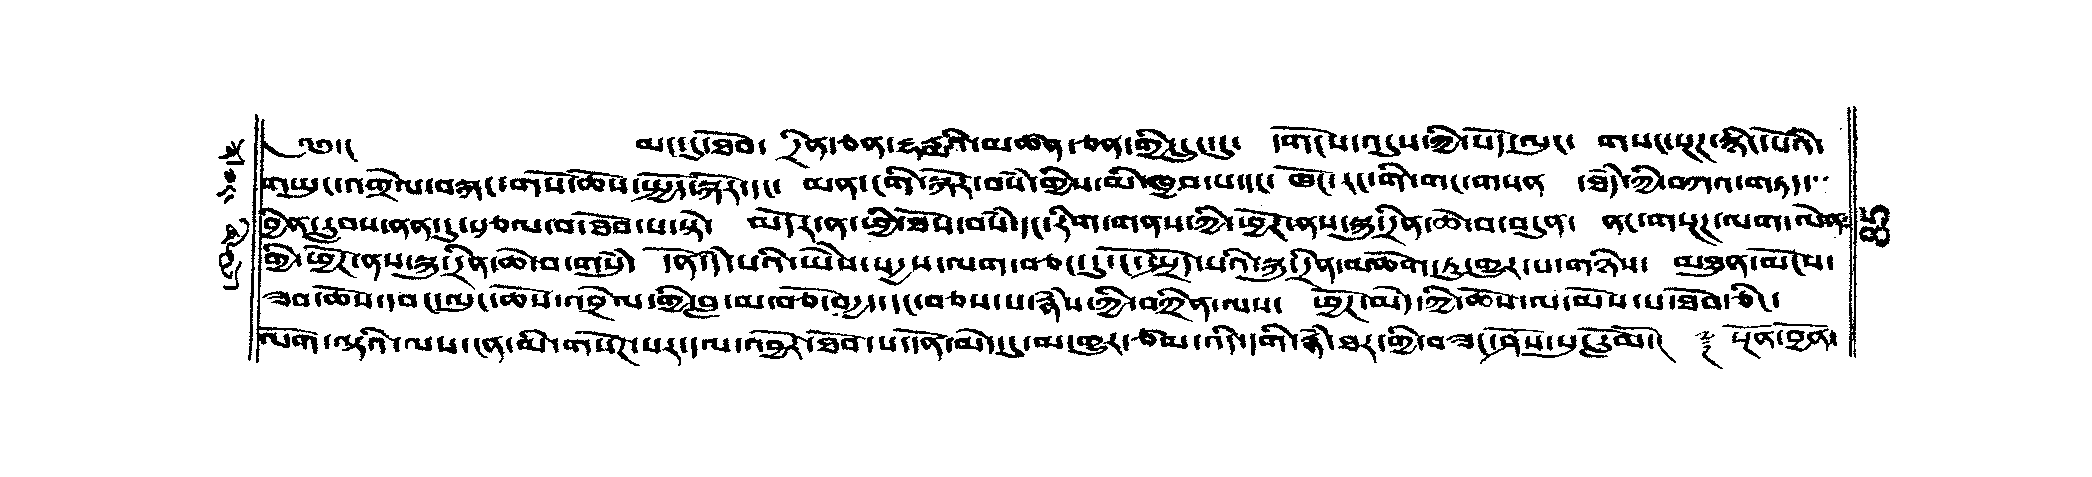མང་དུ་ཐོབ། དྲིན་ཅན་དྷརྨའི་མཚན་ཅན་གྱི་དྲུང་དུ། དགོངས་འདུས་ཀྱི་པོད་ལུང་། གསང་བ་སྙིང་པོའི་
གཡུང་འགྲེལ་བསྐང་གསོ་ཆོས་སྤྱོད་སྐོར་དང་། མན་ངག་གི་སྐོར་བསམ་གྱིས་མི་ཁྱབ་པ་དང་། ཁོང་རང་གི་གང་གསན་ཐམས་ཅད་ཀྱི་བཀའ་གཏད་
བྱིན་རླབས་ནན་དུ་སྩལ་བ་ཐོབ་པ་སྟེ། མདོར་ན་ཕྱི་ཐོས་བསམ་དང་རིག་གནས་ཀྱི་ཕྱོགས་ནས་སྐུ་དྲིན་ཆེ་བ་བདུན། ནང་གསང་སྔགས་ལག་ལེན་
གྱི་ཕྱོགས་ནས་སྐུ་དྲིན་ཆེ་བ་གསུམ། དོན་དམ་པའི་ཡེ་ཤེས་སངས་རྒྱས་ལག་བཅང་དུ་ངོ་སྤྲོད་པའི་སྐུ་དྲིན་མཆོག་ཏུ་གྱུར་པ་གཉིས། ཐུན་མོང་
ཟབ་ཆོས་དབང་ལུང་ཆོས་འབྲེལ་གྱི་བླ་མ་བཅོ་བརྒྱད་དང་བཅས་པ་རྣམས་ཀྱི་བཀའ་དྲིན་ལས། ཕྱོགས་མེད་ཀྱི་ཆོས་ལ་མོས་པ་ཐོབ་ཅིང་
ལོག་ལྟའི་ལས་ངན་མི་གསོག་པར་དལ་འབྱོར་ཐོབ་པ་དོན་མེད་དུ་མ་གྱུར་ཙམ་འདི་བདག་གི་རྣམ་ཐར་གྱི་བཟང་ཤོས་སུ་རློམ་མོ།། ༈ སྔོན་བྱོན་